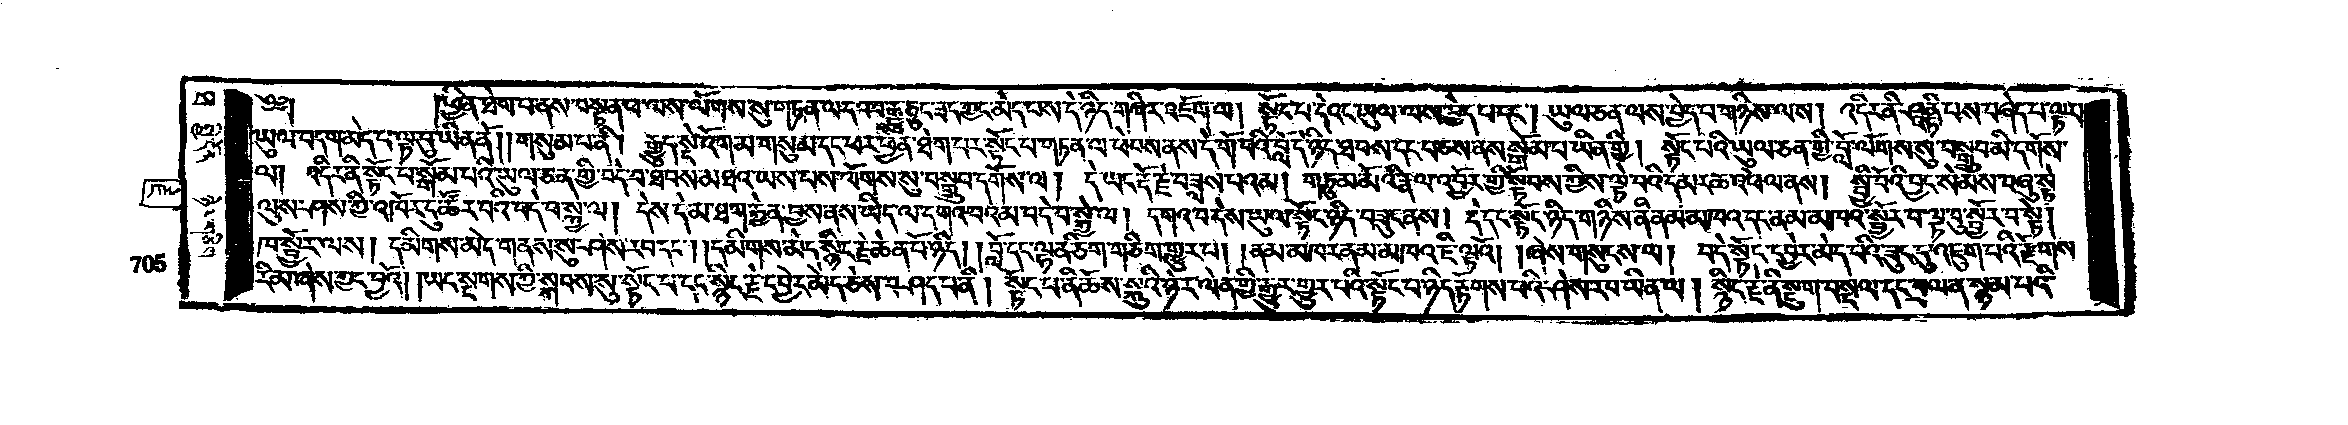༄༅། །ཕྱིན་ཐེག་པ་ནས་བསྟན་པ་ལས་ལོགས་སུ་གཏན་ལ་དབབ་རྒྱུ་ཅུང་ཟད་ཀྱང་མེད་པས་དེ་ཉིད་གཞིར་འཇོག་ལ། སྟོང་པ་དེའང་ཡུལ་ལས་བྱེད་པ་དང་། ཡུལ་ཅན་ལས་བྱེད་པ་གཉིས་ལས། འདིར་ནི་ཤཱནྟི་པས་བཞེད་པ་ལྟར།
ཡུལ་བདག་མེད་པ་ལྟ་བུ་ཡིན་ནོ། །གསུམ་པ་ནི། རྒྱུད་སྡེ་འོག་མ་གསུམ་དང་ཕར་ཕྱིན་ཐེག་པར་སྟོང་པ་གཏན་ལ་ཕེབས་ནས་དེ་གོ་བའི་བློ་དེ་ཉིད་ཐབས་དང་བཅས་ནས་སྒོམ་པ་ཡིན་གྱི། སྟོང་པའི་ཡུལ་ཅན་གྱི་བློ་ལོགས་སུ་བསྒྲུབ་མི་དགོས་
ལ། འདིར་ནི་སྟོང་པ་སྒོམ་པའི་ཡུལ་ཅན་གྱི་བདེ་བ་ཐབས་མཐའ་ཡས་པས་ལོགས་སུ་བསྒྲུབ་དགོས་ལ། དེ་ཡང་རྡོ་རྗེ་བཟླས་པའམ། གཏུམ་མོའི་རྣལ་འབྱོར་གྱི་སྟོབས་ཀྱིས་ལྟེ་བའི་དམར་ཆ་འཕེལ་ནས། སྤྱི་བོའི་བྱང་སེམས་བཞུ་སྟེ་
ལུས་ཤེས་ཀྱི་འཁོར་དུ་ཚོར་བའི་བདེ་བ་སྐྱེ་ལ། དེས་དེ་མ་ཐག་རྐྱེན་བྱས་ནས་ཡིད་ལ་དགའ་བའམ་བདེ་བ་སྐྱེ་ལ། དགའ་བ་དེས་ཡུལ་སྟོང་ཉིད་བཟུང་ནས། དེ་དང་སྟོང་ཉིད་གཉིས་ནི་ནམ་མཁའ་དང་ནམ་མཁའ་སྦྱོར་བ་ལྟ་བུ་སྦྱོར་བ་སྟེ།
ཁ་སྦྱོར་ལས། དམིགས་མེད་གནས་སུ་ཤེས་རབ་དང་། །དམིགས་མེད་སྙིང་རྗེ་ཆེན་པོ་ཉིད། །བློ་དང་ལྷན་ཅིག་གཅིག་གྱུར་པ། །ནམ་མཁར་ནམ་མཁའ་ཇི་ལྟའོ། །ཞེས་གསུངས་ལ། བདེ་སྟོང་དབྱེར་མེད་པའི་ཟུང་དུ་འཇུག་པའི་རྫོགས་
རིམ་ཞེས་ཀྱང་བྱའོ། །ཡང་སྔགས་ཀྱི་སྐབས་སུ་སྟོང་པ་དང་སྙིང་རྗེ་དབྱེར་མེད་ཅེས་བཤད་པ་ནི། སྟོང་པ་ནི་ཆོས་སྐུའི་ཉེར་ལེན་གྱི་རྒྱུར་གྱུར་པའི་སྟོང་པ་ཉིད་རྟོགས་པའི་ཤེས་རབ་ཡིན་ལ། སྙིང་རྗེ་ནི་སྡུག་བསྔལ་དང་བྲལ་ན་སྙམ་པའི་